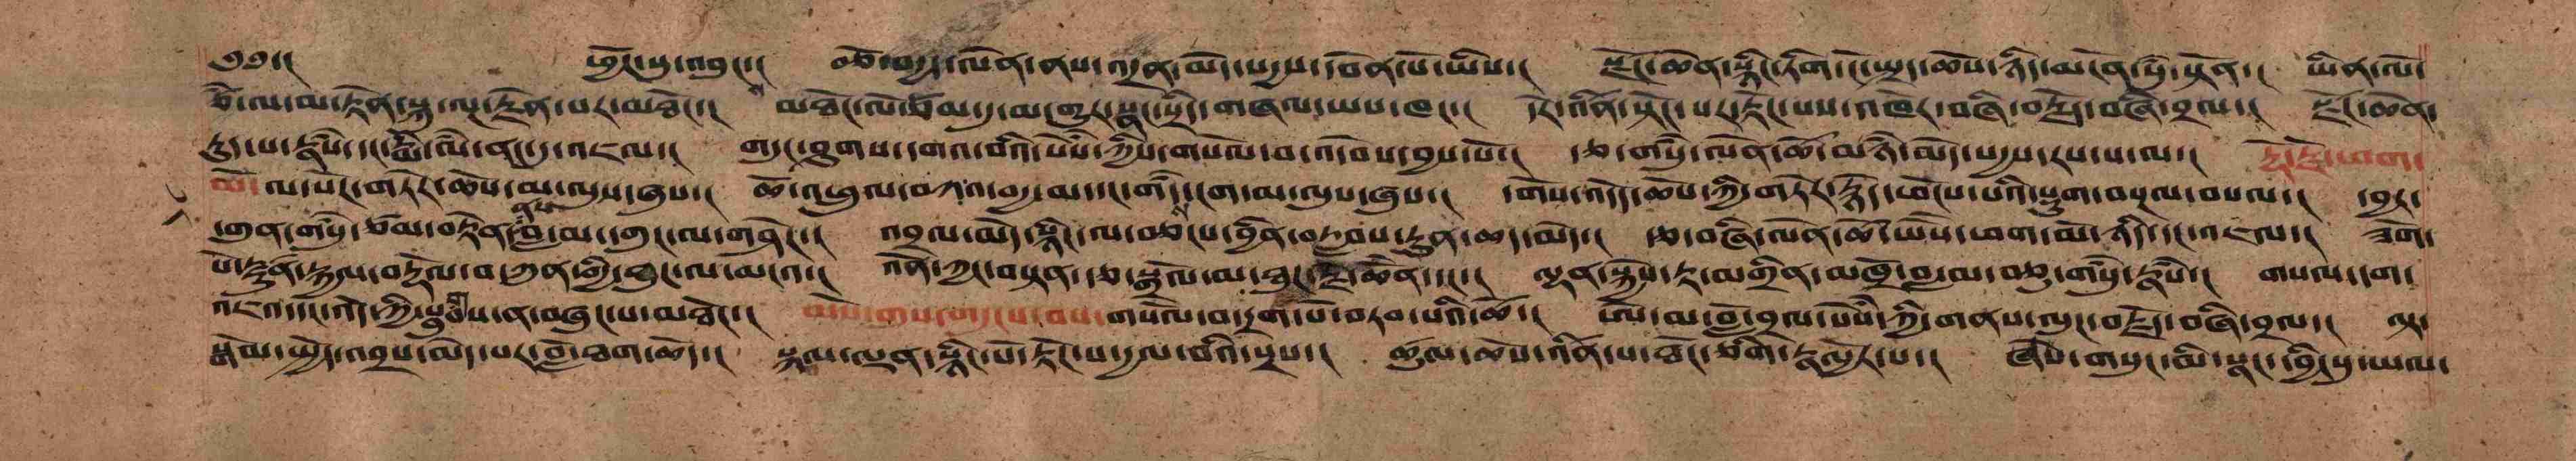༄༅་། ཕྱོགས་སུ་འབུང་། བཅོ་བརྒྱད་ལེན་ནས་འདྲན་མེད་སངས་རྒྱས་དབེན་པོ་ཡིས། རྫོགས་ཆེན་སྙིང་ཏིག་ངོ་སྤྲོད་ཆོས་ཉིད་མངོན་སུམ་སྟོན། ཡིན་ལོ་
ཙི་ལ་མ་རྟེན་སྐུ་ལྔ་རྗེན་པར་མཐོང་། མཐོང་ལོ་ཙམ་དུ་མ་གྱུར་སྣང་སྲིད་གཞལ་ཡས་ཁང་། དེར་འཛིན་སྟོང་པར་རྟོགས་པས་འཁོར་བཞི་བརྗོད་བཞི་བྲལ། རྫོགས་ཆེན་
རྒྱུད་པ་རྣམས་དང་རྨི་ལམ་ནང་དུ་འཇལ། གདུང་ཤུགས་དགའ་བའི་སེམས་ཀྱིས་གསོལ་བ་འདེབས་བྱས་སོ། རྩ་གསུམ་ལེན་ཚེ་མཉམ་མེད་སངས་རྒྱས་རས་ས་ལ། རྡོ་རྗེ་ཕག་
མོ་ལ་སོགས་གཏེར་ཆོས་མ་ལུས་ཞུས། ཆོ་འཕྲུལ་བཀའ་བརྒྱ་མ་དང་གདམས་ངག་མ་ལུས་ཞུས། དགོས་འདོད་ཆོས་ཀྱི་གཏེར་རྙེད་ཕོངས་པའི་སྡུག་བསྔལ་བསལ། དབྱར་
དགུན་གསུམ་ཙམ་བརྟེན་ནས་བླ་མ་དགུང་ལ་གཤེགས། འབྲལ་མེད་སྙིང་ལ་བཅངས་བྱིན་བརླབས་རྒྱུན་ཆད་མེད། རྩ་བཞི་ལེན་ཚེ་ཡེ་ཤེས་ཕག་མོ་ཉིད་དང་འཇལ། ཟོག་
པོ་རྫུན་རྐྱལ་བརྡོལ་བ་ཀུན་གྱི་ཐུགས་ལ་མངའ། འོན་ཀྱང་བསྟན་རྩ་སྒྲོལ་མ་ཐུགས་རྗེ་ཆེན་པོ་དང་། ལྷན་སྐྱེས་རྟ་མགྲིན་མཁའ་འགྲོ་བླ་མ་བཅུ་གསུམ་རྣམས། གསལ་དག་
འཇའ་དང་འོད་ཀྱི་སྦུགས་ན་བཞུགས་པ་མཐོང་།མོས་གུས་གདུངས་བས་གསོལ་བ་དྲག་པོ་བཏབ་པའི་ཚེ། ཨེ་མ་བློ་བྲལ་སེམས་ཀྱི་གནས་ལུགས་བརྗོད་བཞི་བྲལ། ལྟ་
སྒོམ་སྤྱོད་འབྲས་མེད་པར་བློ་ཐག་ཆོད། སྐལ་ལྡན་སྙིང་པོ་རྟོགས་པ་རྒྱལ་བའི་སྲས། ཚུལ་ཆོས་འཛིན་པ་ཐོང་ཅིག་རྣལ་འབྱོར་པ། ཞེས་གསུང་མི་སྣང་དབྱིངས་སུ་ཡལ་